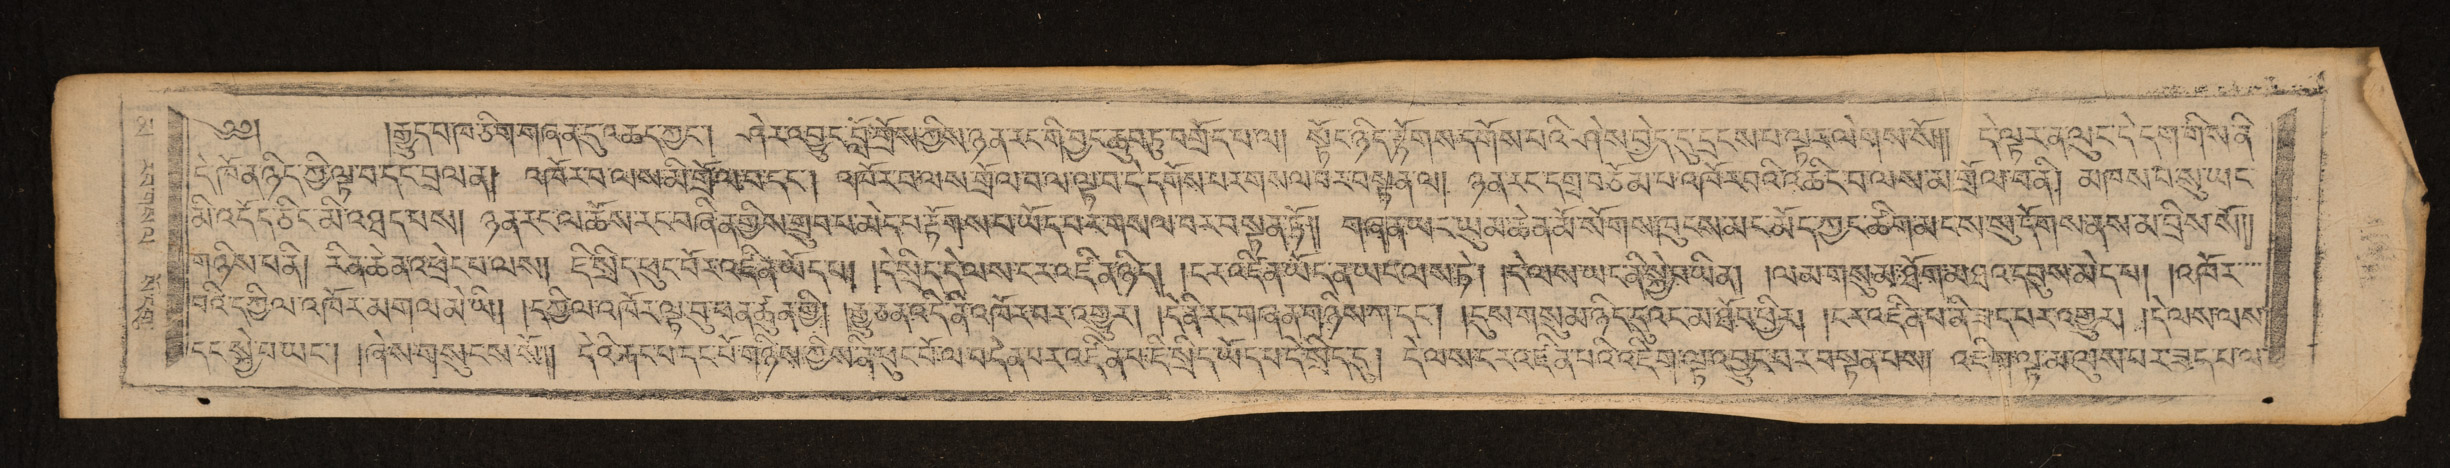༄༅། །རྒྱུད་པ་ཁ་ཅིག་གཞན་དུ་འཆད་ཀྱང་། ཤེར་འབྱུང་བློ་གྲོས་ཀྱིས་ཉན་རང་གི་བྱང་ཆུབ་ཏུ་བགྲོད་པ་ལ། སྟོང་ཉིད་རྟོགས་དགོས་པའི་ཤེས་བྱེད་དུ་དྲངས་པ་ལྟར་ལེགས་སོ།། དེ་ལྟར་ན་ལུང་དེ་དག་གིས་ནི་
དེ་ཁོ་ན་ཉིད་ཀྱི་ལྟ་བ་དང་བྲལ་ན། འཁོར་བ་ལས་མི་གྲོལ་བ་དང་། འཁོར་བ་ལས་གྲོལ་བ་ལ་ལྟ་བ་དེ་དགོས་པར་གསལ་བར་བསྟན་ལ། ཉན་རང་དགྲ་བཅོམ་པ་འཁོར་བའི་འཆིང་བ་ལས་མ་གྲོལ་བ་ནི། མཁས་པ་སུ་ཡང་
མི་འདོད་ཅིང་མི་འཐད་པས། ཉན་རང་ལ་ཆོས་རང་བཞིན་གྱིས་གྲུབ་པ་མེད་པ་རྟོགས་པ་ཡོད་པར་གསལ་བར་བསྟན་ནོ།། གཞན་ཡང་ཡུམ་ཆེན་མོ་སོགས་ཁུངས་མང་མོད་ཀྱང་ཚིག་མངས་སུ་དོགས་ནས་མ་བྲིས་སོ།།
གཉིས་པ་ནི། རིན་ཆེན་འཕྲེང་བ་ལས། ཇི་སྲིད་ཕུང་པོར་འཛིན་ཡོད་པ། །དེ་སྲིད་དེ་ལས་ངར་འཛིན་ཉིད། །ངར་འཛིན་ཡོད་ན་ཡང་ལས་ཏེ། །དེ་ལས་ཡང་ནི་སྐྱེ་བ་ཡིན། །ལམ་གསུམ་ཐོག་མཐའ་དབུས་མེད་པ། འཁོར་
བའི་དཀྱིལ་འཁོར་མགལ་མེ་ཡི། །དཀྱིལ་འཁོར་ལྟ་བུ་ཕན་ཚུན་གྱི། །རྒྱུ་ཅན་འདི་ནི་འཁོར་བར་འགྱུར། །དེ་ནི་རང་གཞན་གཉིས་ཀ་དང་། །དུས་གསུམ་ཉིད་དུའང་མ་ཐོབ་ཕྱིར། །ངར་འཛིན་པ་ནི་ཟད་པར་འགྱུར། །དེ་ལས་ལས་
དང་སྐྱེ་བ་ཡང་། །ཞེས་གསུངས་སོ།། དེའི་རྐང་པ་དང་པོ་གཉིས་ཀྱིས་ནི་ཕུང་པོ་ལ་བདེན་པར་འཛིན་པ་ཇི་སྲིད་ཡོད་པ་དེ་སྲིད་དུ། དེ་ལས་ངར་འཛིན་པའི་འཇིག་ལྟ་འབྱུང་བར་བསྟན་པས། འཇིག་ལྟ་མ་ལུས་པར་ཟད་པ་ལ་